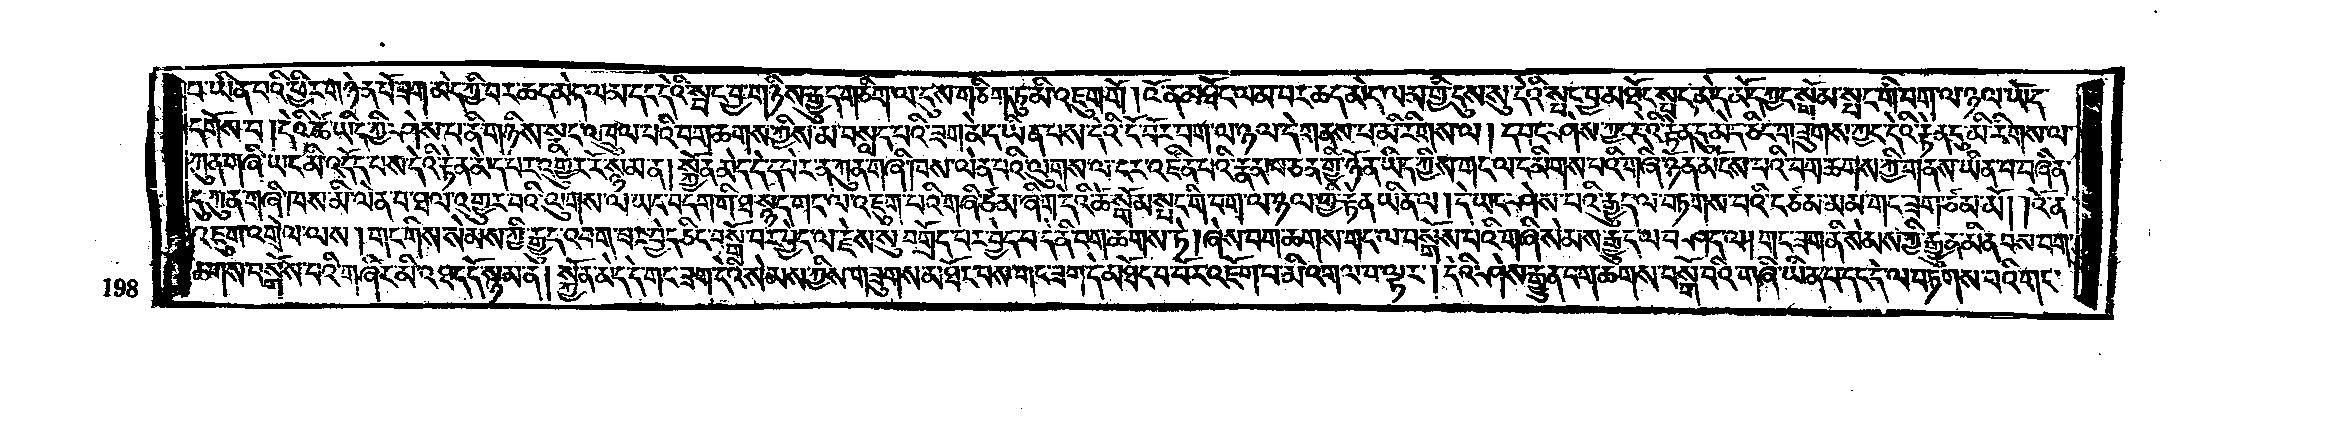པ་ཡིན་པའི་ཕྱིར་གཉེན་པོ་ཟག་མེད་ཀྱི་བར་ཆད་མེད་ལམ་དང་དེའི་སྤང་བྱ་གཉིས་རྒྱུད་གཅིག་ལ་དུས་གཅིག་ཏུ་མི་འཇུག་གོ། འོ་ན་མཐོང་ལམ་བར་ཆད་མེད་ལམ་གྱི་དུས་སུ་དེའི་སྤང་བྱ་མཐོང་སྤང་མེད་མོད་ཀྱང་སྒོམ་སྤང་གི་བག་ལ་ཉལ་ཡོད་
དགོས་པ་།དེའི་ཚེ་ཡིད་ཀྱི་ཤེས་པ་ནི་གཉིས་སྣང་འཁྲུལ་པའི་བག་ཆགས་ཀྱིས་མ་བསླད་པའི་ཟག་མེད་ཡིན་པས་དེའི་ངོ་བོར་བག་ལ་ཉལ་དེ་གནས་པ་མི་རིགས་ལ། དབང་ཤེས་ཀྱང་དེའི་རྟེན་དུ་མེད་ཅིང་གཟུགས་ཀྱང་དེའི་རྟེན་དུ་མི་རིགས་ལ་
ཀུན་གཞི་ཡང་མི་འདོད་པས་དེའི་རྟེན་མེད་པར་འགྱུར་རོ་སྙམ་ན། སྐྱོན་མེད་དེ་དཔེར་ན་ཀུན་གཞི་ཁས་ལེན་པའི་ལུགས་ལ་ངར་འཛིན་པའི་རྣམ་པ་ཅན་གྱི་ཉོན་ཡིད་ཀྱིས་གང་ལ་དམིགས་པའི་གཞི་ཉོན་མོངས་ཉིད་ཀྱིས་གང་ལ་དམིགས་པའི་གཞི་ཉོན་མོངས་པའི་བག་ཆགས་ཀྱི་གནས་ཡིན་པ་བཞིན་
དུ་ཀུན་གཞི་ཁས་མི་ལེན་པ་ཐལ་འགྱུར་པའི་ལུགས་ལ་ཡང་བདག་གི་ཐ་སྙད་གང་ལ་འཇུག་པའི་གཞི་ཙམ་ཞིག་དེའི་ཚེ་སྒོམ་སྤང་གི་བག་ལ་ཉལ་གྱི་རྟེན་ཡིན་ལ། དེ་ཡང་ཤེས་པའི་རྒྱུད་ལ་བཏགས་པའི་ང་ཙམ་མམ་གང་ཟག་ཙམ་མོ། །འོ་ན་
འཇུག་འགྲེལ་ལས། གང་གིས་སེམས་ཀྱི་རྒྱུད་འབག་པར་བྱེད་ཅིང་བསྒོ་བར་བྱེད་ལ་རྗེས་སུ་བགྲོད་པར་བྱེད་པ་དེ་ནི་བག་ཆགས་ཏེ། ཞེས་བག་ཆགས་གང་ལ་བསྒོས་པའི་གཞི་སེམས་རྒྱུད་ལ་བཤད་ལ། གང་ཟག་ནི་སེམས་ཀྱི་རྒྱུན་མིན་པས་བག་
ཆགས་བསྒོས་པའི་གཞིར་མི་འཐད་དོ་སྙམ་ན། སྐྱོན་མེད་དེ་གང་ཟག་དེའི་སེམས་ཀྱིས་གཟུགས་མཐོང་པས་གང་ཟག་དེ་མཐོང་པ་པོར་འཇོག་པ་མི་འགལ་བ་ལྟར། དེའི་ཤེས་རྒྱུན་བག་ཆགས་བསྒོ་པའི་གཞི་ཡིན་པ་དང་དེ་ལ་བཏགས་པའི་གང་